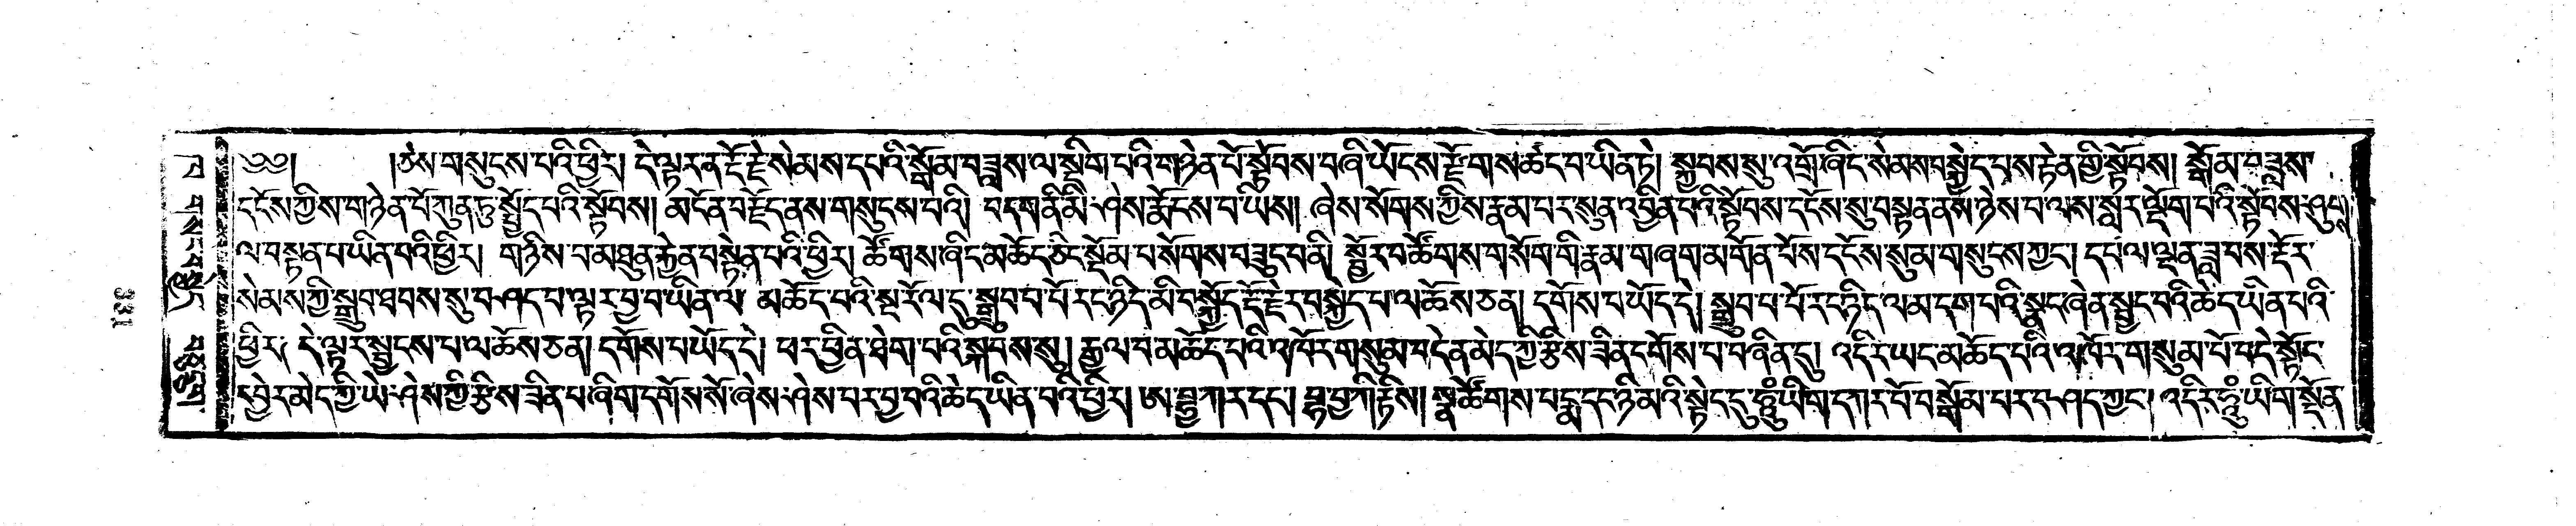༄༅། །ཅེས་གསུངས་པའི་ཕྱིར། དེ་ལྟར་ན་རྡོ་རྗེ་སེམས་དཔའི་སྒོམ་བཟླས་ལ་སྡིག་པའི་གཉེན་པོ་སྟོབས་བཞི་ཡོངས་རྫོགས་ཚང་བ་ཡིན་ཏེ། སྐྱབས་སུ་འགྲོ་ཞིང་སེམས་བསྐྱེད་པས་རྟེན་གྱི་སྟོབས། སྒོམ་བཟླས་
དངོས་ཀྱིས་གཉེན་པོ་ཀུན་ཏུ་སྤྱོད་པའི་སྟོབས། མངོན་བརྗོད་ནས་གསུངས་པའི། བདག་ནི་མི་ཤེས་རྨོངས་པ་ཡིས། ཞེས་སོགས་ཀྱིས་རྣམ་པར་སུན་འབྱིན་པའི་སྟོབས་དངོས་སུ་བསྟན་ནས་ཉེས་པ་ལས་སླར་ལྡོག་པའི་སྟོབས་ཤུགས་
ལ་བསྟན་པ་ཡིན་པའི་ཕྱིར། གཉིས་པ་མཐུན་རྐྱན་བསྟེན་པའི་ཕྱིར། ཚོགས་ཞིང་མཆོད་ཅིང་སྡོམ་པ་སོགས་བཟུང་བ་ནི། སྦྱོར་བ་ཚོགས་གསོག་གི་རྣམ་གཞག་མགོན་པོས་དངོས་སུ་མ་གསུངས་ཀྱང་། དཔལ་ལྡན་ཟླ་བས་རྡོར་
སེམས་ཀྱི་སྒྲུབ་ཐབས་སུ་བཤད་པ་ལྟར་བྱ་བ་ཡིན་ལ། མཆོད་པའི་སྔ་རོལ་དུ་སྒྲུབ་པ་པོ་རང་ཉིད་མི་བསྐྱོད་རྡོ་རྗེར་བ་བསྐྱེད་པ་ལ་ཆོས་ཅན། དགོས་པ་ཡོད་དེ། སྒྲུབ་པ་པོ་རང་ཉིད་ལམ་དག་པའི་སྣང་ཞེན་སྦྱང་བའི་ཆེད་ཡིན་པའི་
ཕྱིར། དེ་ལྟར་སྦྱངས་པ་ལ་ཆོས་ཅན། དགོས་པ་ཡོད་དེ། ཕར་ཕྱིན་ཐེག་པའི་སྐབས་སུ། རྒྱལ་བ་མཆོད་པའི་འཁོར་གསུམ་བདེན་མེད་ཀྱི་རྩིས་ཟིན་དགོས་པ་བཞིན་དུ། འདིར་ཡང་མཆོད་པའི་འཁོར་གསུམ་པོ་བདེ་སྟོང་
དབྱེར་མེད་ཀྱི་ཡེ་ཤེས་ཀྱི་རྩིས་ཟིན་པ་ཞིག་དགོས་སོ་ཞེས་ཤེས་པར་བྱ་བའི་ཆེད་ཡིན་པའི་ཕྱིར། ཨ་བྷྱ་ཀར་དང་། བྷ་བྱ་ཀི་རྟིས། སྣ་ཚོགས་པདམ་དང་ཉི་མའི་སྟེང་དུ་ཧཱུཾ་ཡིག་དཀར་པོ་བསྒོམ་པར་བཤད་ཀྱང་། འདིར་ཧཱུཾ་ཡིག་སྔོན་